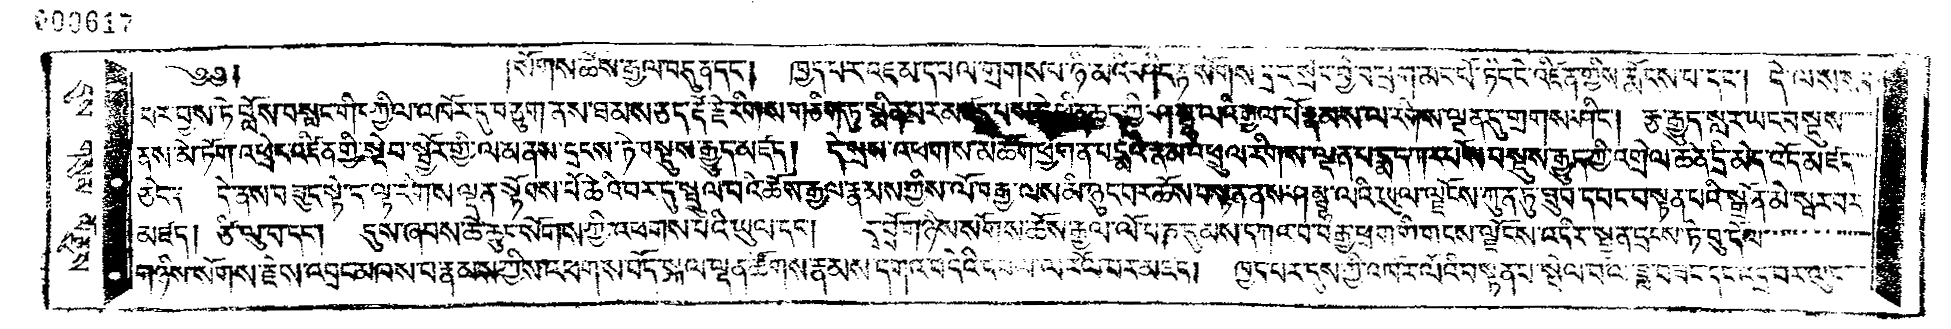༄༅། །སོགས་ཆོས་རྒྱལ་བདུན་དང་། ཁྱད་པར་འཇམ་དཔལ་གྲགས་པ་ཉི་མའི་ཤིང་རྟ་སོགས་དྲང་སྲོང་བྱེ་བ་ཕྲག་མང་པོ་ཏིང་ངེ་འཛིན་གྱིས་རྨོངས་པ་དང་། དེ་ལས་སད་
པར་བྱས་ཏེ་བློས་བསླང་གི་དཀྱིལ་འཁོར་དུ་བཅུག་ནས་ཐམས་ཅད་རྡོ་རྗེ་རིགས་གཅིག་ཏུ་སྨིན་པར་མཛད་པས་དེ་ཕྱིན་ཆད་ཀྱི་ཤམྦྷ་ལའི་རྒྱལ་པོ་རྣམས་ལ་རིགས་ལྡན་དུ་གྲགས་ཤིང་། རྩ་རྒྱུད་སླར་ཡང་བསྡུས་
ནས་མེ་ཏོག་འཕྲེང་འཛིན་གྱི་སྡེབ་སྦྱོར་གྱི་ལམ་ནས་དྲངས་ཏེ་བསྡུས་རྒྱུད་མཛད། དེ་སྲས་འཕགས་མཆོག་ཕྱག་ན་པདམའི་རྣམ་འཕྲུལ་རིགས་ལྡན་པདམ་དཀར་པོས་བསྡུས་རྒྱུད་ཀྱི་འགྲེལ་ཆེན་དྲི་མེད་འོད་མཛད་
ཅིང༑ དེ་ནས་བཟུང་སྟེ་ད་ལྟ་རིགས་ལྡན་སྟོབས་པོ་ཆེའི་བར་དུ་སྤྲུལ་བའི་ཆོས་རྒྱལ་རྣམས་ཀྱིས་ལོ་བརྒྱ་ལས་མི་ཉུང་བར་ཆོས་བསྟན་ནས་ཤམྦྷ་ལའི་ཡུལ་ལྗོངས་ཀུན་ཏུ་ཐུབ་དབང་བསྟན་པའི་སྒྲོན་མེ་སྦར་བར་
མཛད༑ ཙི་ལུ་བ་དང་། དུས་ཞབས་ཆེ་ཆུང་སོགས་ཀྱི་འཕགས་པའི་ཡུལ་དང་། རྭ་བྲོ་གཉིས་སོགས་ཆོས་རྒྱལ་ལོ་པཎ་དུ་མས་དཀའ་བ་བརྒྱ་ཕྲག་གི་གངས་ལྗོངས་འདིར་སྤྱན་དྲངས་ཏེ་བུ་དོལ་
གཉིས་སོགས་རྗེས་འབྲང་མཁས་པ་རྣམས་ཀྱིས་འཕགས་བོད་སྐལ་ལྡན་ཚོགས་རྣམས་དགའ་བདེའི་དཔལ་ལ་རོལ་བར་མཛད། ཁྱད་པར་དུས་ཀྱི་འཁོར་ལོའི་བསྟན་པ་སྤེལ་བ་ལ་ཟླ་བཟང་དང་འདྲ་བར་ལུང་